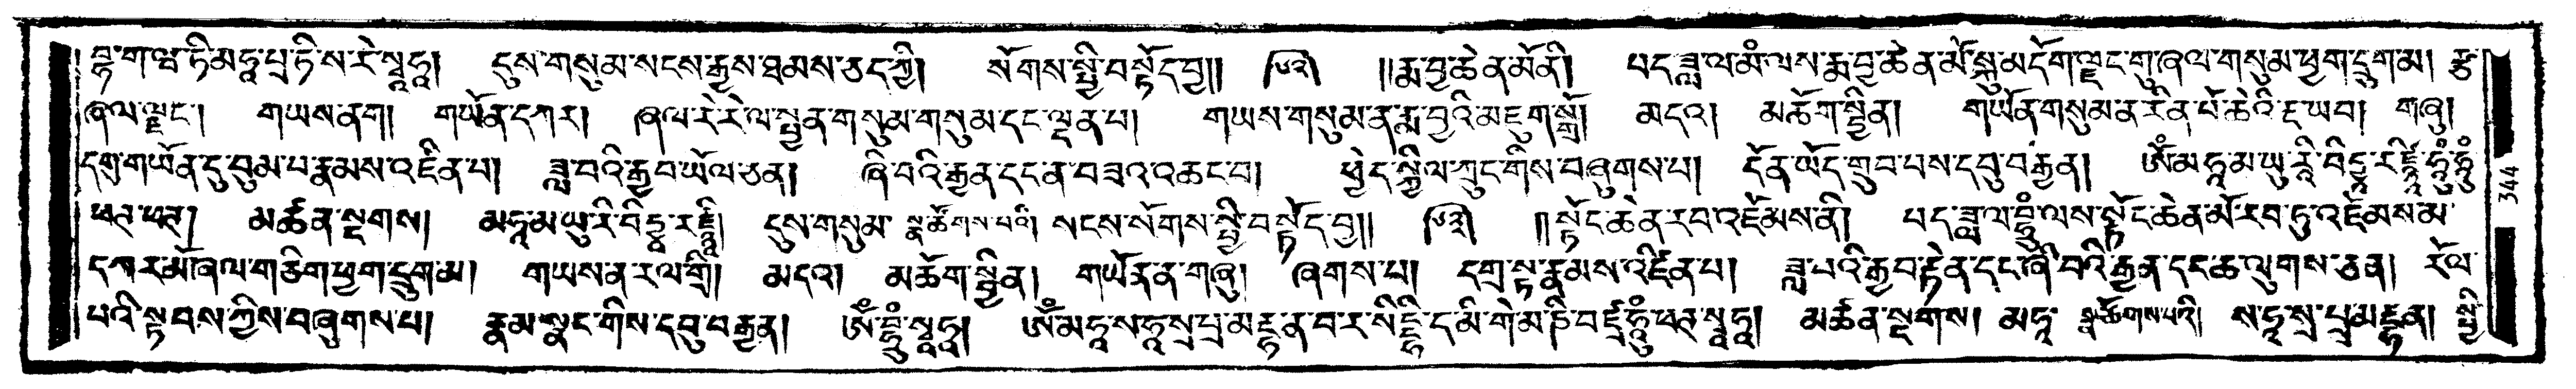བྷ་ག་ཝ་ཏི་མཧཱ་པྲ་ཏི་ས་རེ་སྭཱཧཱ། དུས་གསུམ་སངས་རྒྱས་ཐམས་ཅད་ཀྱི། སོགས་སྤྱི་བསྟོད་བྱ།། ༦༢?་།།རྨ་བྱ་ཆེན་མོ་ནི། པད་ཟླ་ལ་མཾ་ལས་རྨ་བྱ་ཆེན་མོ་སྐུ་མདོག་ལྗང་གུ་ཞལ་གསུམ་ཕྱག་དྲུག་མ། རྩ་
ཞལ་ལྗང་། གཡས་ནག། གཡོན་དཀར། ཞལ་རེ་རེ་ལ་སྤྱན་གསུམ་གསུམ་དང་ལྡན་པ། གཡས་གསུམ་ན་རྨ་བྱའི་མཇུག་སྒྲོ། མདའ། མཆོག་སྦྱིན། གཡོན་གསུམ་ན་རིན་པོ་ཆེའི་རྔ་ཡབ། གཞུ།
དགྲ་གཡོན་དུ་བུམ་པ་རྣམས་འཛིན་པ། ཟླ་བའི་རྒྱབ་ཡོལ་ཅན། ཞི་བའི་རྒྱན་དང་ན་བཟའ་འཆང་བ། ཕྱེད་སྐྱིལ་ཀྲུང་གིས་བཞུགས་པ། དོན་ཡོད་གྲུབ་པས་དབུ་བརྒྱན། ཨོཾ་མཧཱ་མ་ཡུ་རཱི་བིདྱཱ་རཛྙཱི་ཧཱུཾ་ཧཱུཾ་
ཕཊ་ཕཊ། མཚན་སྔགས། མཧཱ་མ་ཡུ་རི་བིདྱཱ་རཛྙཱི། དུས་གསུམ་སྣ་ཚོགས་པའི། སངས་སོགས་སྤྱི་བསྟོད་བྱ།། ༦༣?་།།སྟོང་ཆེན་རབ་འཇོམས་ནི། པད་ཟླ་ལ་བྷྲུཾ་ལས་སྟོང་ཆེན་མོ་རབ་ཏུ་འཇོམས་མ་
དཀར་མོ་ཞལ་གཅིག་ཕྱག་དྲུག་མ། གཡས་ན་རལ་གྲི། མདའ། མཆོག་སྦྱིན། གཡོན་ན་གཞུ། ཞགས་པ། དགྲ་སྟ་རྣམས་འཛིན་པ། ཟླ་བའི་རྒྱབ་རྟེན་དང་ཞི་བའི་རྒྱན་དང་ཆ་ལུགས་ཅན། རོལ་
པའི་སྟབས་ཀྱིས་བཞུགས་པ། རྣམ་སྣང་གིས་དབུ་བརྒྱན། ཨོཾ་བྷྲུཾ་སྭཱཧཱ། ཨོཾ་མཧཱ་སཧཱ་སྲ་པྲ་མརྡྷ་ན་བ་ར་སིདྡྷི་ད་མི་གེ་མ་ཎི་བཛྲ་ཧཱུཾ་ཕཊ་སྭཱཧཱ། མཚན་སྔགས། མཧཱ་སྣ་ཚོགས་པའི། ས་ཧཱ་སྲ་པྲ་མཛྙན། སྤྱི་